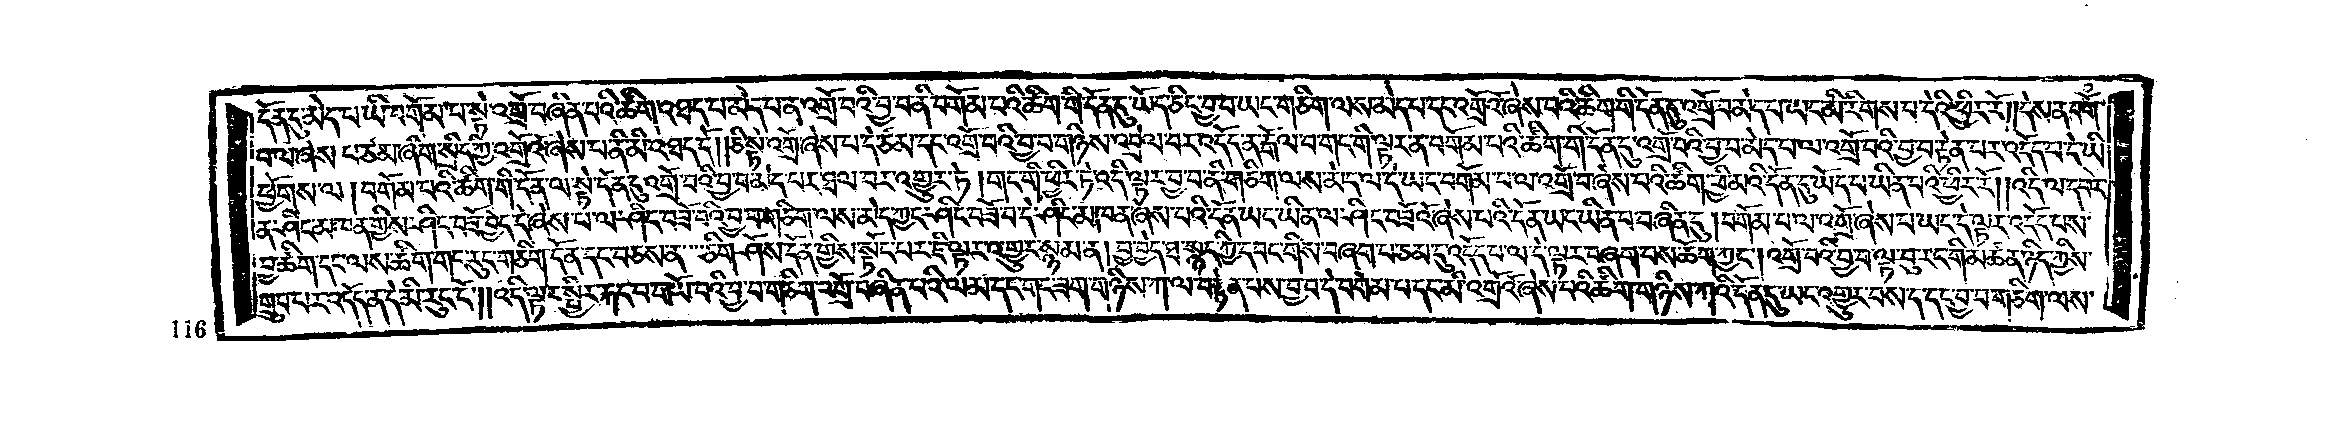དོན་དུ་མེད་པ་ཡི་བགོམ་པ་སྟེ་འགྲོ་བཞིན་པའི་ཚིག་འཐད་པ་མེད་པ་ན་འགྲོ་བའི་བྱ་བ་ནི་བགོམ་པའི་ཚིག་གི་དོན་དུ་ཡོད་ཅིང་བྱ་བ་ཡང་གཅིག་ལས་མེད་པ་དང་འགྲོའི་ཞེས་པའི་ཚིག་གི་དོན་དུ་འགྲོ་བ་མེད་པ་ཡང་མི་རིགས་པ་དེའི་ཕྱིར་རོ། །དེས་ན་བགོཾ་
པ་ལ་ཞེས་པ་ཙམ་ཞིག་སྲིད་ཀྱི་འགྲོའོ་ཞེས་པ་ནི་མི་འཐད་དོ། །ཅི་སྟེ་འགྲོ་ཞེས་པ་དེ་ཙམ་དང་གྲོ་བའི་བྱ་བ་གཉིས་འབྲེལ་བར་འདོད་ན་རྒོལ་བ་གང་གི་ལྟར་ན་བགོམ་པའི་ཚིག་གི་དོན་དུ་འགྲོ་བའི་བྱ་བ་མེད་པ་ལ་འགྲོ་བའི་བྱ་བ་རྟེན་པར་འདོད་པ་དེ་ཡི་
ཕྱོགས་ལ། བགོམ་པའི་ཚིག་གི་དོན་ལ་སྟེ་དོན་དུ་འགྲོ་བའི་བྱ་བ་མེད་པར་ཐལ་བར་འགྱུར་ཏེ། གང་གི་ཕྱིར་ཏེ་འདི་ལྟར་བྱ་བ་ནི་གཅིག་ལས་མེད་ལ་དེ་ཡང་བགོམ་པ་ལ་འགྲོ་བ་ཞེས་པའི་ཚིག་ཕྱི་མའི་དོན་དུ་ཡོད་པ་ཡིན་པའི་ཕྱིར་རོ། །འདི་ལ་དཔེར་
ན་ཤིང་མཁན་གྱིས་ཤིང་བཟོ་བྱེད་དེ་ཞེས་པ་ལ་ཤིང་བཟློ་བའི་བྱ་བ་གཅིག་ལས་མེད་ཀྱང་ཤིང་བཟློ་བ་དེ་ཤིང་མཁན་ཞེས་པའི་དོན་ཡང་ཡིན་ལ་ཤིང་བཟོའོ་ཞེས་པའི་དོན་ཡང་ཡིན་པ་བཞིན་དུ་།བགོམ་པ་ལ་འགྲོ་ཞེས་པ་ཡང་དེ་ལྟར་འདོད་པས་
བྱ་ཚིག་དང་ལས་ཚིག་གང་རུང་གཅིག་དོན་དང་བཅས་ན་ཅིག་ཤོས་དོན་གྱིས་སྟོང་པར་ཇི་ལྟར་འགྱུར་སྙོམ་ན། བྱ་བྱེད་ཐ་སྙད་ཀྱི་དབང་གིས་བཞག་པ་ཙམ་དུ་འདོད་པ་ལ་དེ་ལྟར་བཞག་པས་ཆོག་ཀྱང་། འགྲོ་བའི་བྱ་བ་ལྟ་བུ་རང་གི་མཚན་ཉིད་ཀྱིས་
གྲུབ་པར་འདོད་ན་དེ་མི་རུང་ངོ། །འདི་ལྟར་སྤྱིར་རྐང་པ་གཡོ་བའི་བྱ་བ་གཅིག་འགྲོ་བཞིན་པའི་ལམ་དང་གང་ཟག་གཉིས་ཀ་ལ་བརྟེན་པས་བྱ་བ་དེ་བགོམ་པ་དང་མི་འགྲོའོ་ཞེས་པའི་ཚིག་གཉིས་ཀའི་དོན་དུ་ཡང་འགྱུར་པས་དེ་དང་བྱ་བ་གཅིག་ལས་